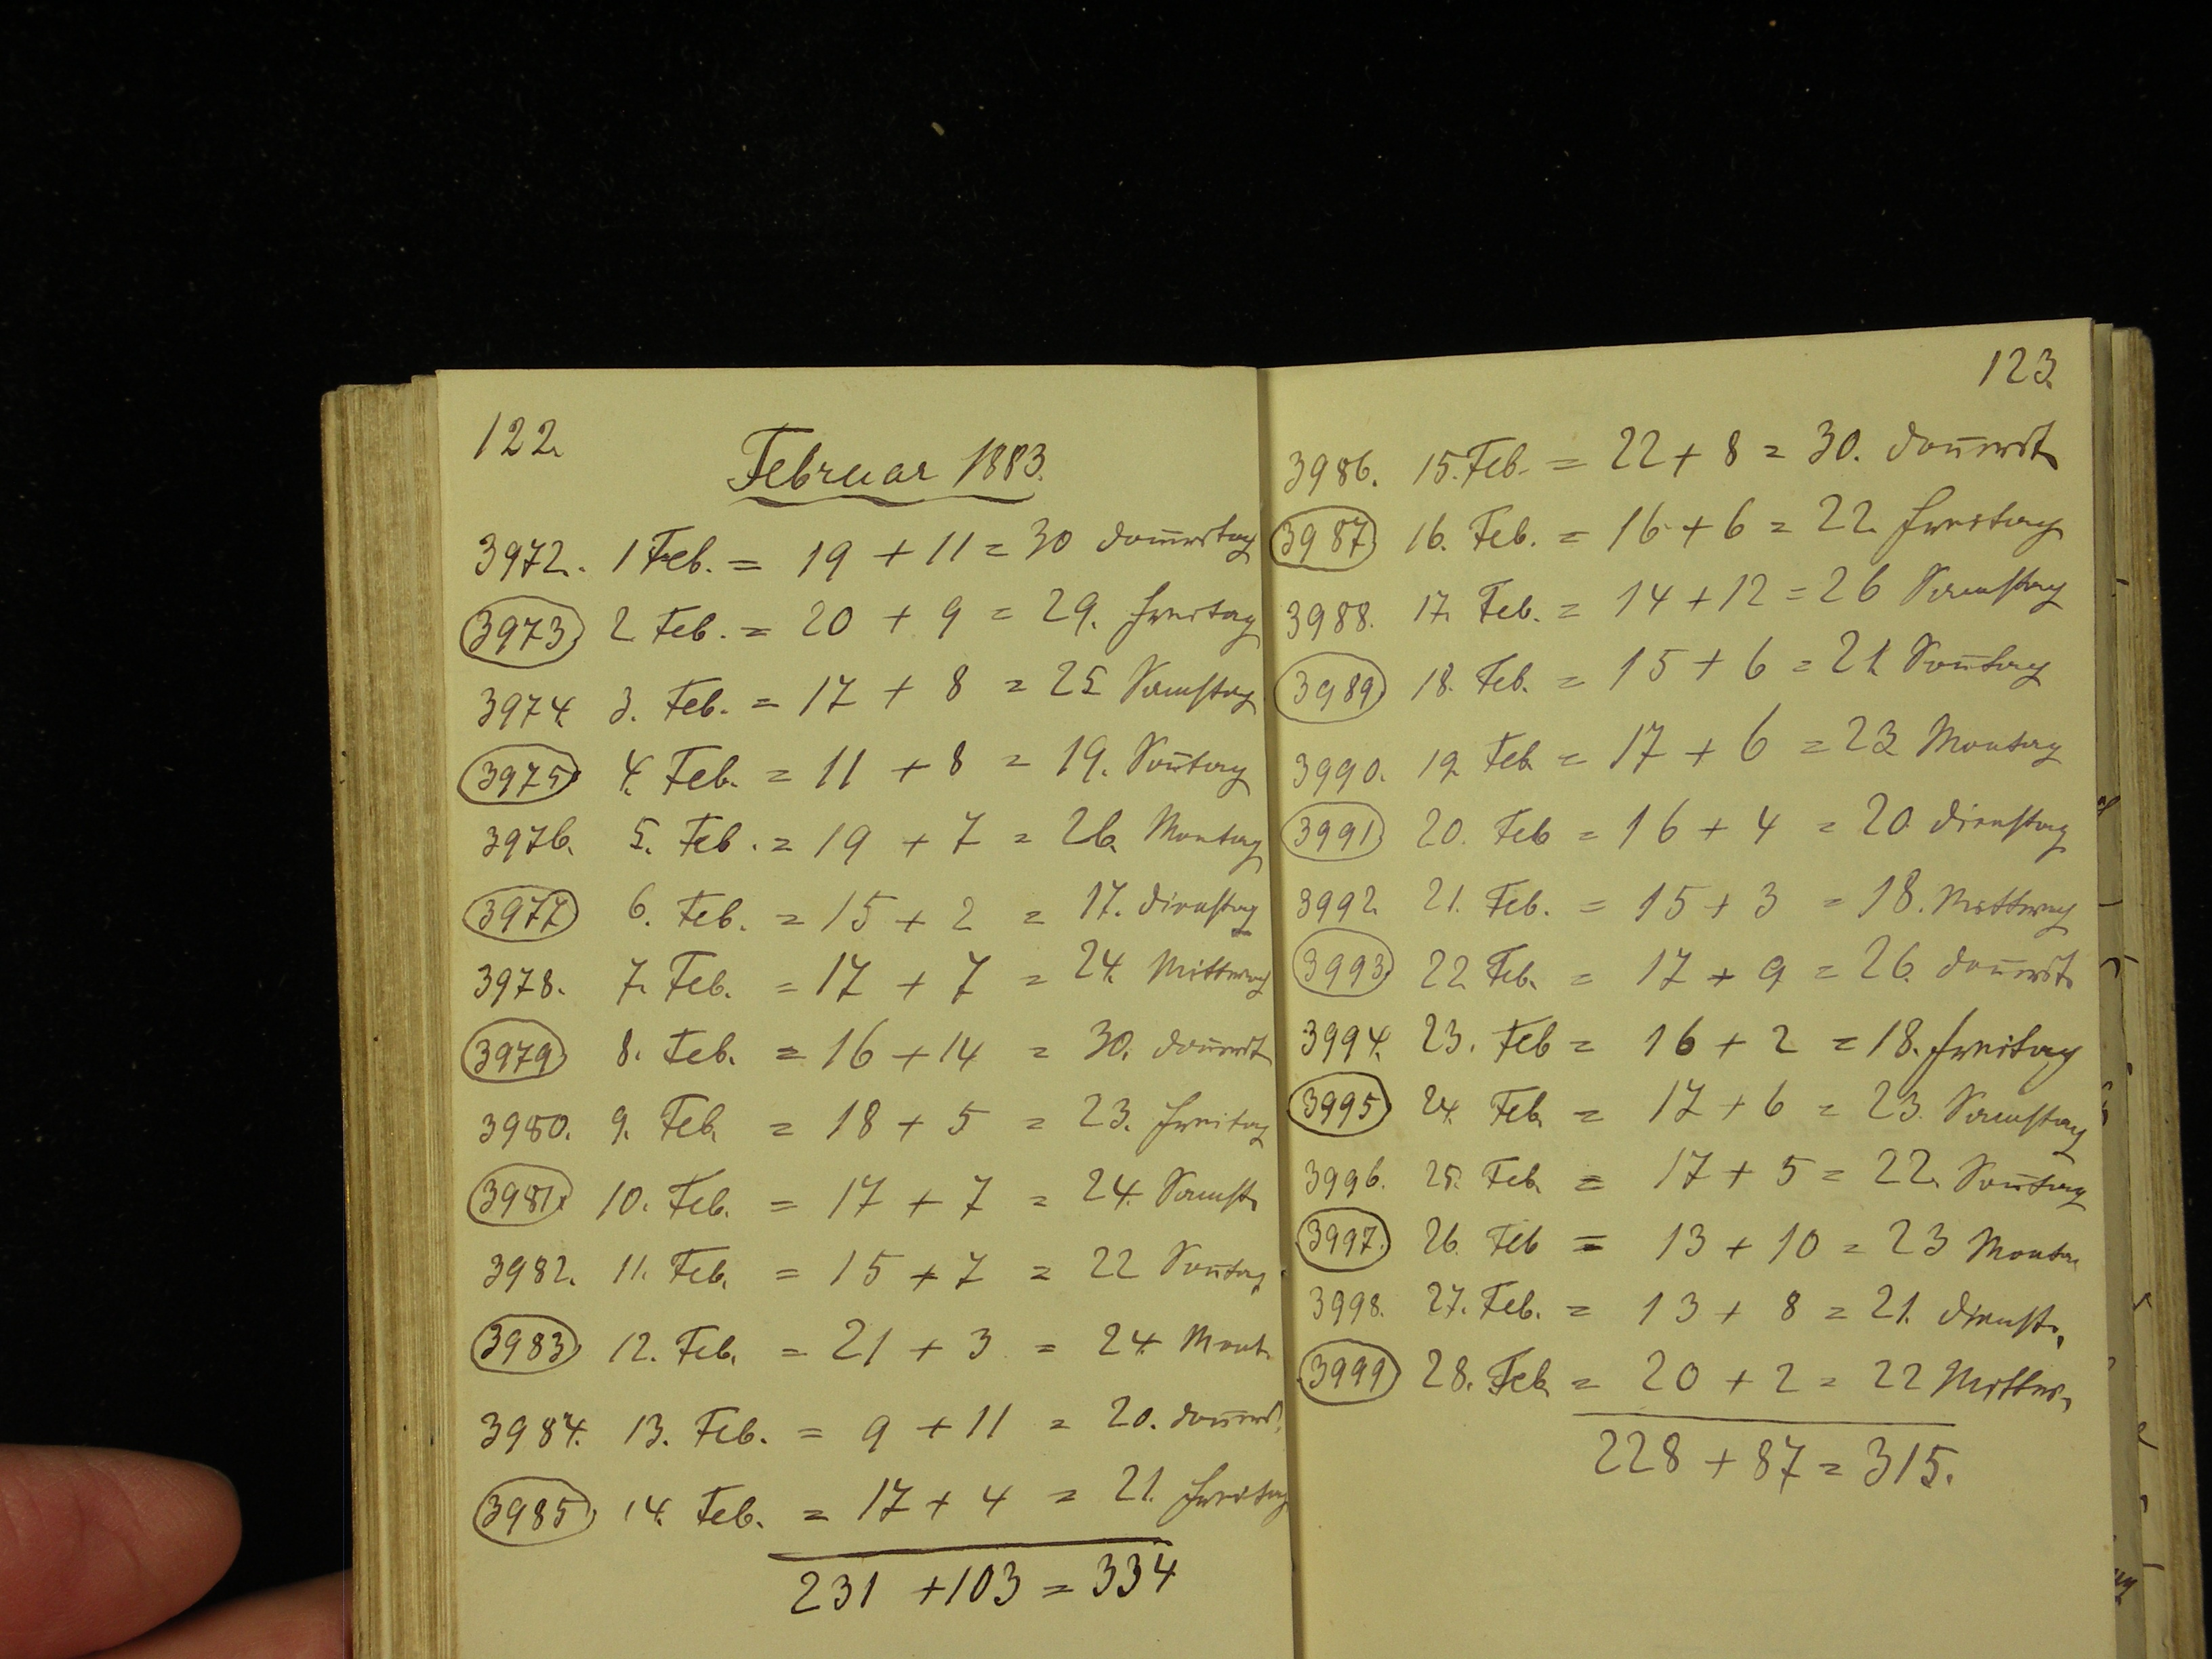122
Februar 1883
3972. 1. Febr. = 19 + 11 = 30 Donnerstag
3973. 2. Febr. = 20 + 9 = 29 Freitag
3974. 3. Febr. = 17 + 8 = 25 Samstag
3975. 4. Febr. = 11 + 8 = 19 Sonntag
3976. 5. Febr. = 19 + 7 = 26 Montag
3977. 6. Febr. = 15 + 2 = 17 Dienstag
3978. 7. Febr. = 17 + 7 = 24 Mittwoch
3979. 8. Febr. = 16 + 14 = 30 Donnerstag
3980. 9. Febr. = 18 + 5 = 23 Freitag
3981. 10. Febr. = 17 + 7 = 24 Samstag
3982. 11. Febr. = 15 + 7 = 22 Sonntag
3983. 12. Febr. = 21 + 3 = 24 Montag
3983. 13. Febr. = 9 + 11 = 20 Donnerstag
3984. 14. Febr. = 17 + 4 = 21 Freitag
231 + 103 = 334
123
3986. 15. Febr. = 22 + 8 = 30 Donnerstag
3987. 16. Febr. = 16 + 6 = 22 Freitag
3988. 17. Febr. = 14 + 12 = 26 Samstag
3989. 18.Febr. = 15 + 6 = 21 Sonntag
3990. 19. Febr. = 17 + 6 = 23 Montag
3991. 20. Febr. = 16 + 4 = 20 Dienstag
3992. 21. Febr. = 15 + 3 = 18 Mittwoch
3993. 22. Febr. = 17 + 9 = 26 Donnerstag
3994. 23. Febr. = 16 + 2 = 18 Freitag
3995. 24. Febr. = 17 + 6 = 23 Samstag
3996. 25. Febr. = 17 + 5 = 22 Sonntag
3997. 26. Febr. = 13 + 10 = 23 Montag
3998. 27. Febr. = 13 + 8 = 21 Dienstag
3999. 28. Febr. = 20 + 2 = 22 Mittwoch
228 + 87 = 315